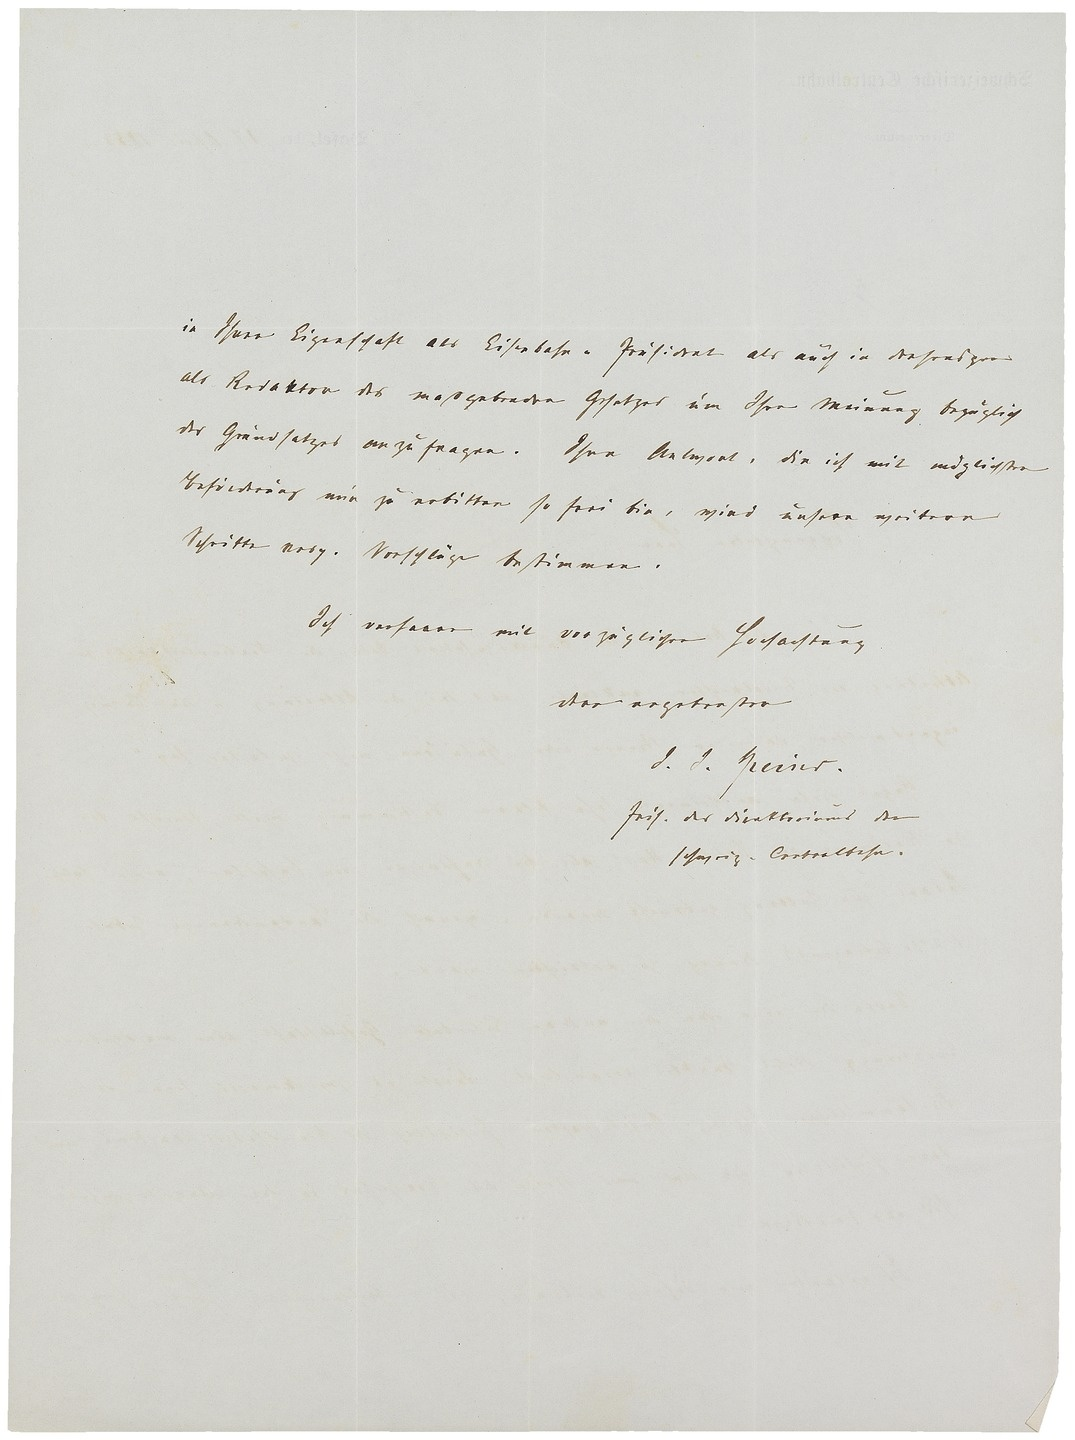in Ihrer Eigenschaft als Eisenbahn-Präsident als auch in derjenigen
als Redaktor des maßgebenden Gesetzes um Ihre Meinung bezüglich
des Grundsatzes anzufragen. Ihre Antwort, die ich mit möglichster
Versicherung mir zu erbitten so frei bin, wird unsere weitern
Schritte resp. Vorschläge bestimmen.
Ich verharre mit vorzüglicher Hochachtung
dero ergebenster
J. J. Speiser
Präs. des Direktoriums der
schweiz. Centralbahn.